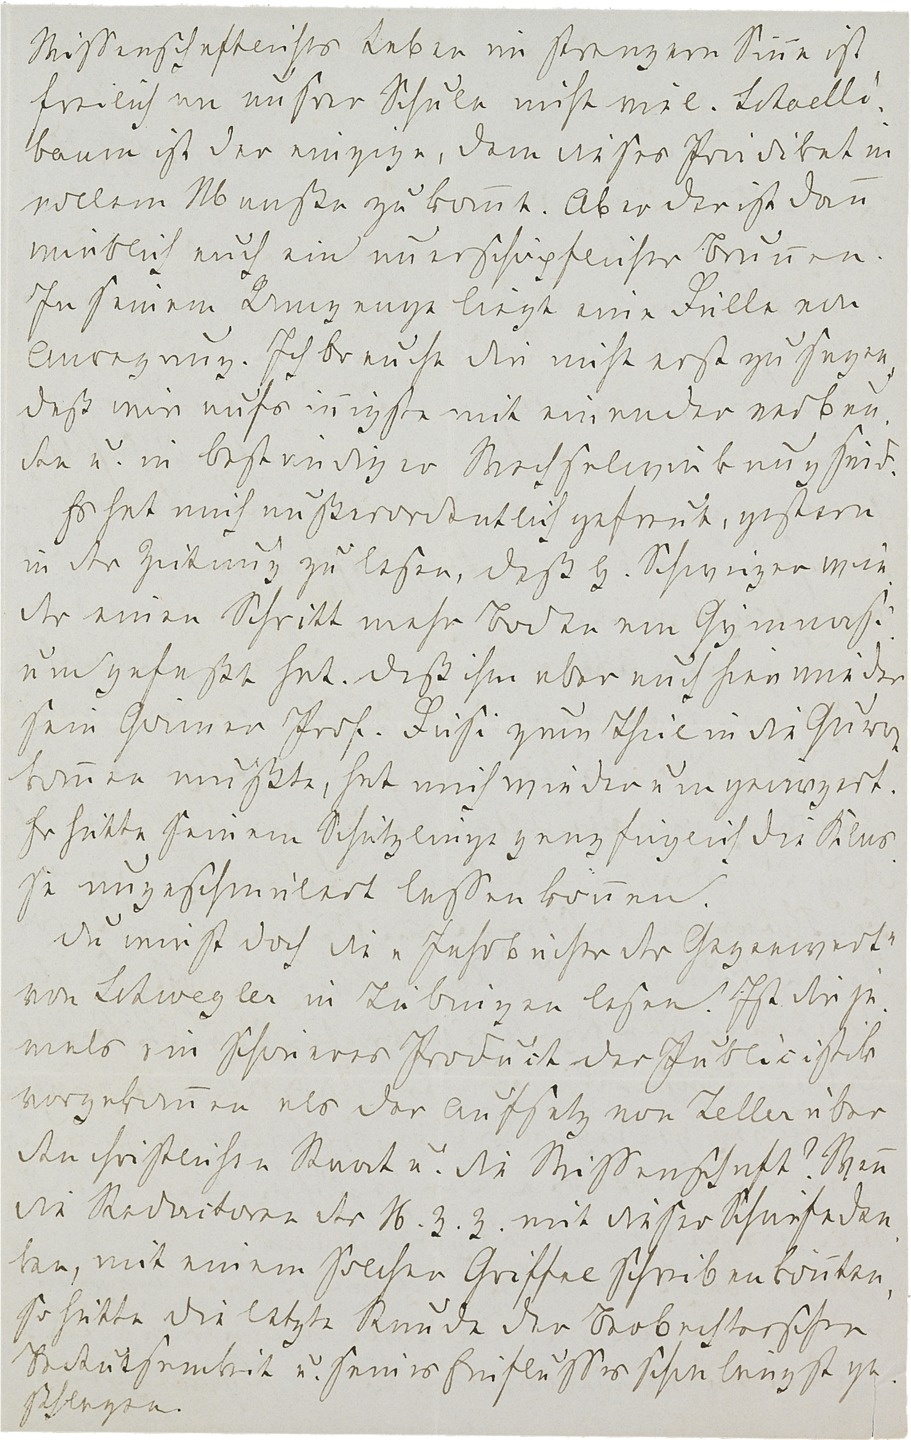Wissenschaftliches Leben im strengern Sinne ist
freilich an unsrer Schule nicht viel. Schaelli-
baum ist der einzige, dem dieses Prädikat in
vollem Maaße zukommt. Aber der ist dann
wirklich auch ein unerschöpflicher Brunnen.
In seinem Umgange liegt eine Fülle von
Anregung. Ich brauche dir nicht erst zu sagen,
daß wir aufs innigste mit einander verbun-
den u. in beständiger Wechselwirkung sind.
Es hat mich außerordentlich gefreut, gestern
in der Zeitung zu lesen, daß H. Schweizer wie-
der einen Schritt mehr Boden am Gymnasi-
um gefaßt hat. Daß ihm aber auch hier wieder
sein Gönner Prof. Fäsi zum Theil in die Quere
kommen mußte, hat mich wiederum geärgert.
Er hätte seinem Schützlinge ganz füglich die Klas-
se ungeschmälert lassen können.
Du wirst doch die «Jahrbrichte der Gegenwart»
von Schwegler in Tübingen lesen. Ist dir je-
mals ein schöneres Product der Publicistik
vorgekommen als der Aufsatz von Zeller über
den christlichen Staat u. die Wissenschaft? Wenn
die Redactoren der N.Z.Z. mit dieser Schärfe den-
ken, mit einem solchen Griffel schreiben könnten,
so hätte die letzte Stunde der Beobachterschen
Bedeutsamkeit u. seines Einflusses schon längst ge-
schlagen.